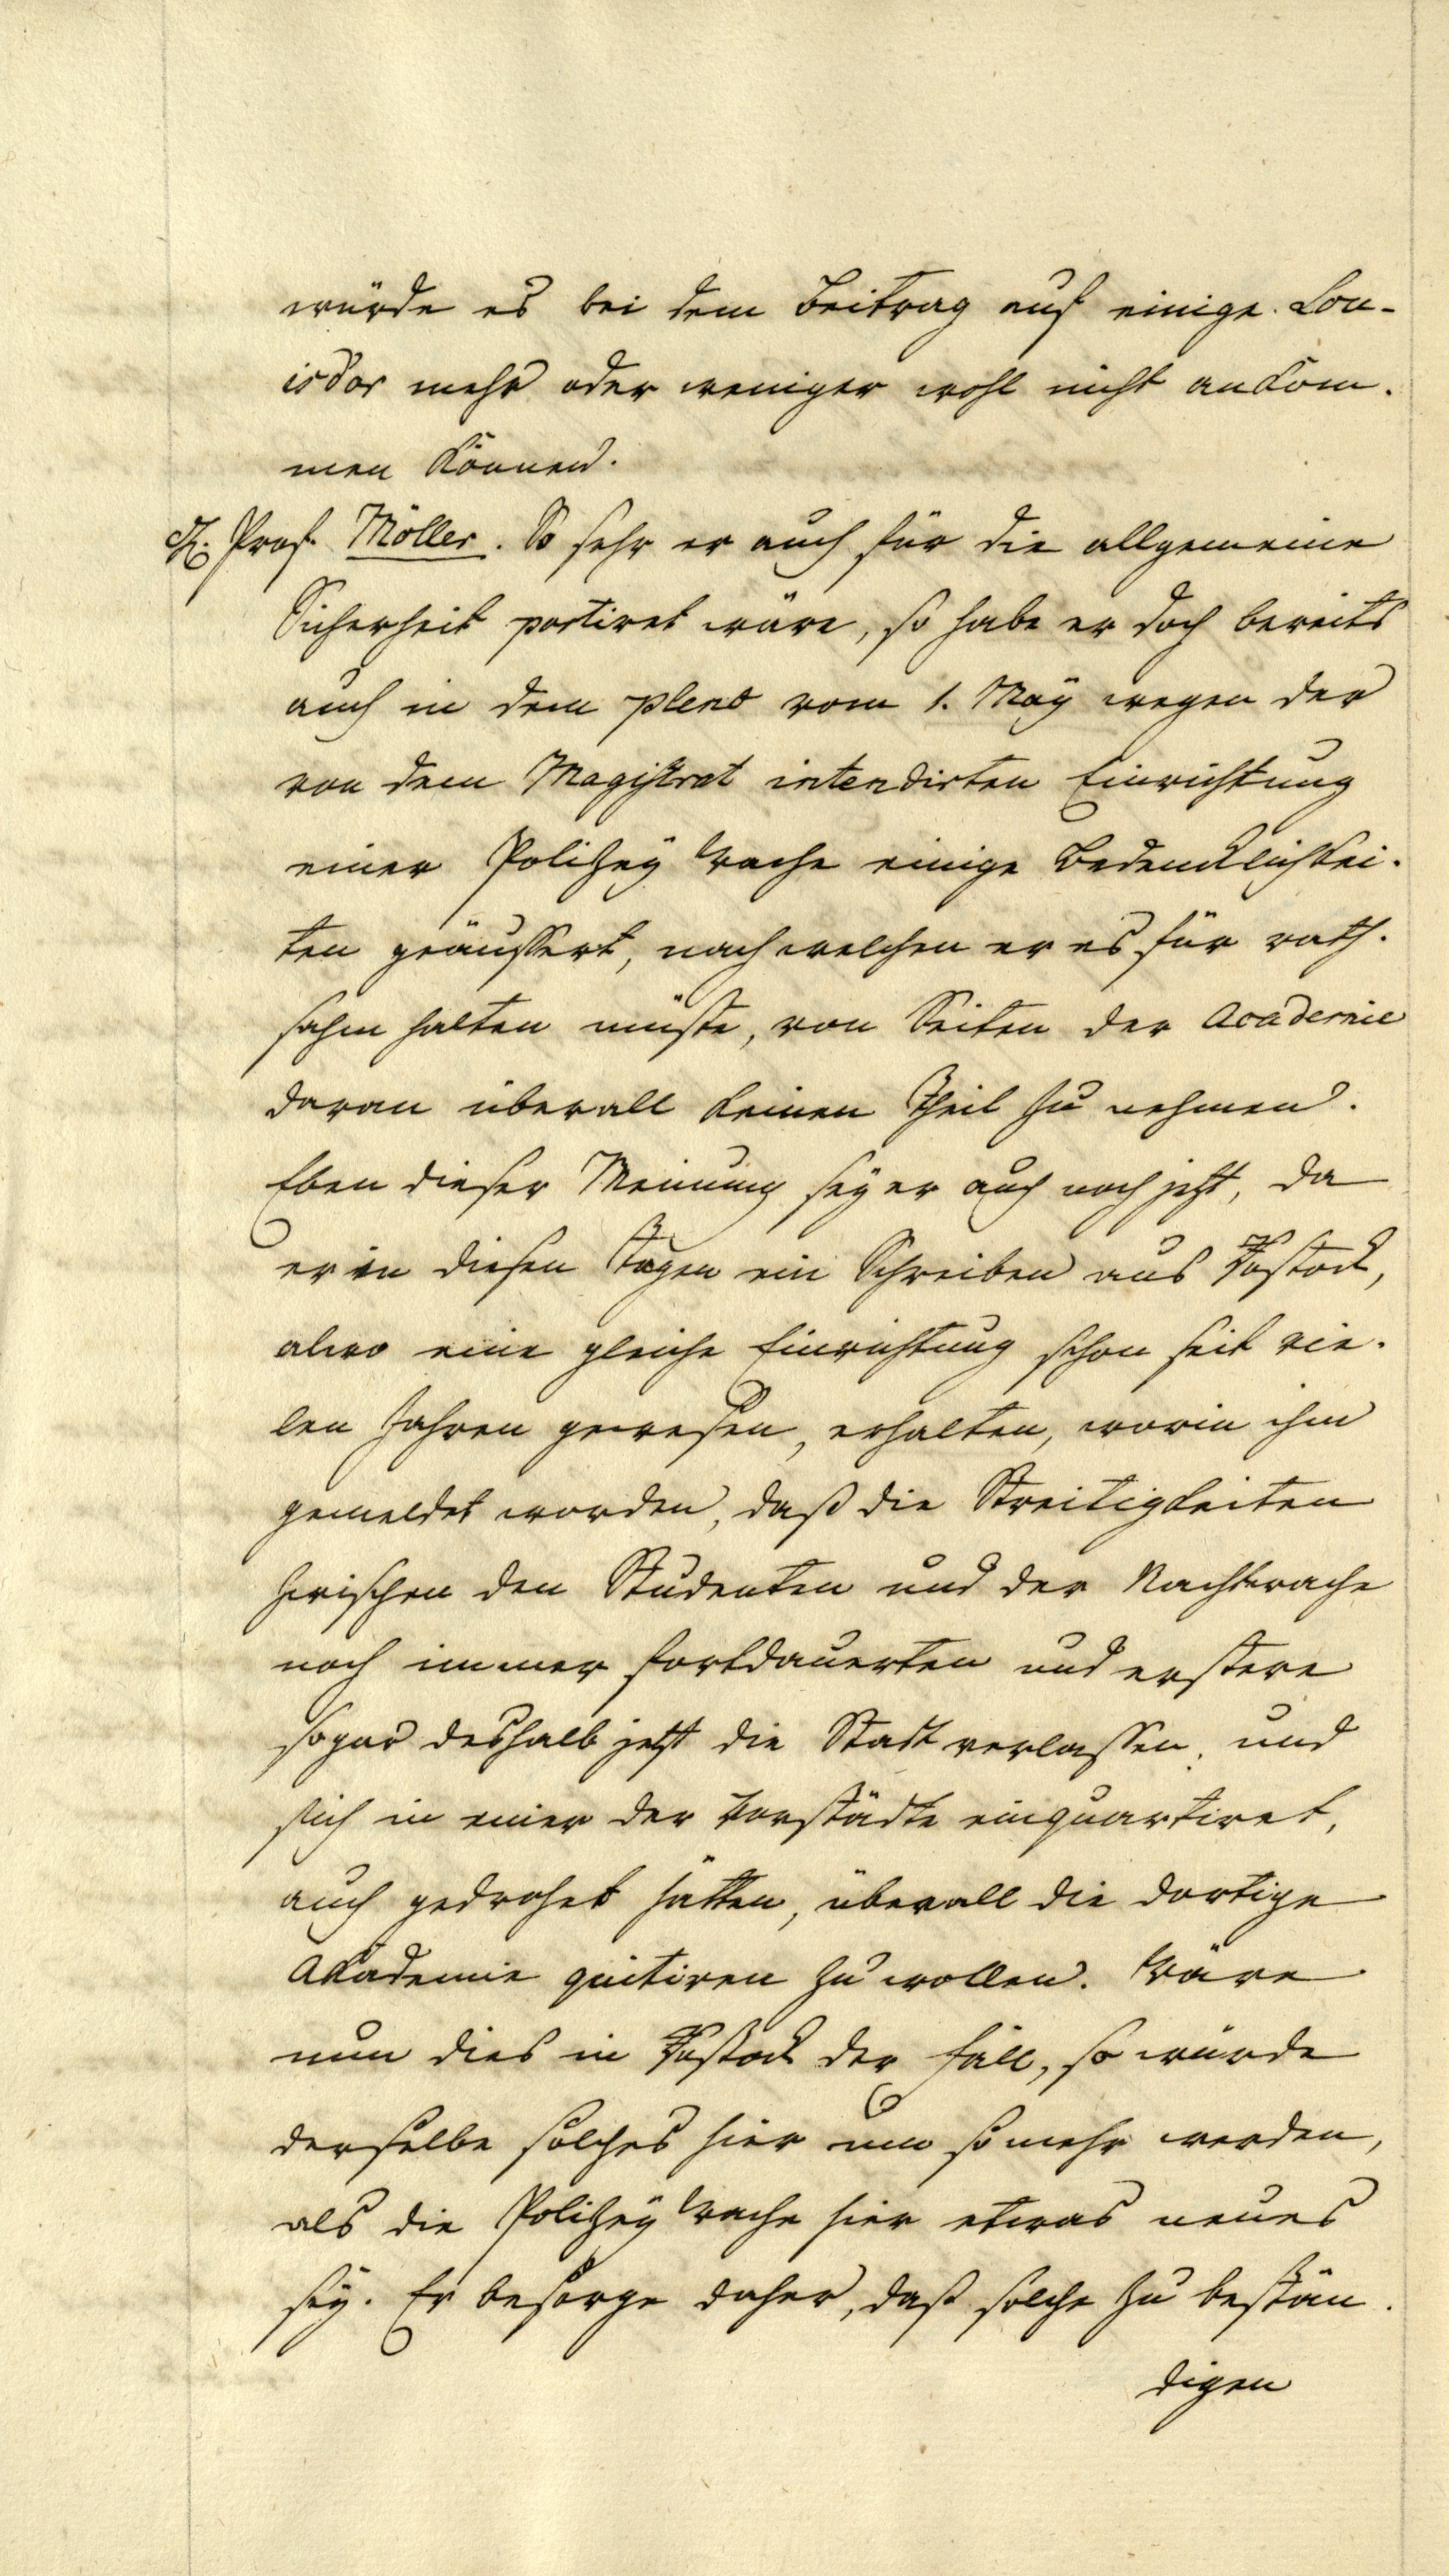würde es bei dem Beitrag auf einige Lou-
isdor mehr oder weniger wohl nicht ankom-
men können.
dh. Prof. Möller. So sehr er auch für die allgemeine
Sicherheit portiret wäre, so habe er doch bereits
auch in dem pleno vom 1. May wegen der
von dem Magistrat intendirten Einrichtung
einer Polizey Wache einige Bedencklichkei-
ten geäussert, nach welchen er es für rath-
sahm halten müßte, von Seiten der Academie
daran überall keinen Theil zu nehmen.
Eben dieser Meinung sey er auch noch jetzt, da
er in diesen Tagen ein Schreiben aus Rostock,
alwo eine gleiche Einrichtung schon seit vie-
len Jahren gewesen, erhalten, worin ihm
gemeldet worden, daß die Streitigkeiten
zwischen den Studenten und der Nachtwache
noch immer fortdauerten und erstere
sogar deshalb jetzt die Stadt verlassen und
sich in einer der Vorstädte einquartiret,
auch gedrohet hätten, überall die dortige
Akademie quitiren zu wollen. Wäre
nun dies in Rostock der Fall, so würde
derselbe solches hier um so mehr werden,
als die Polizey Wache hier etwas neues
sey. Er besorge daher, daß solche zu bestän-
digen